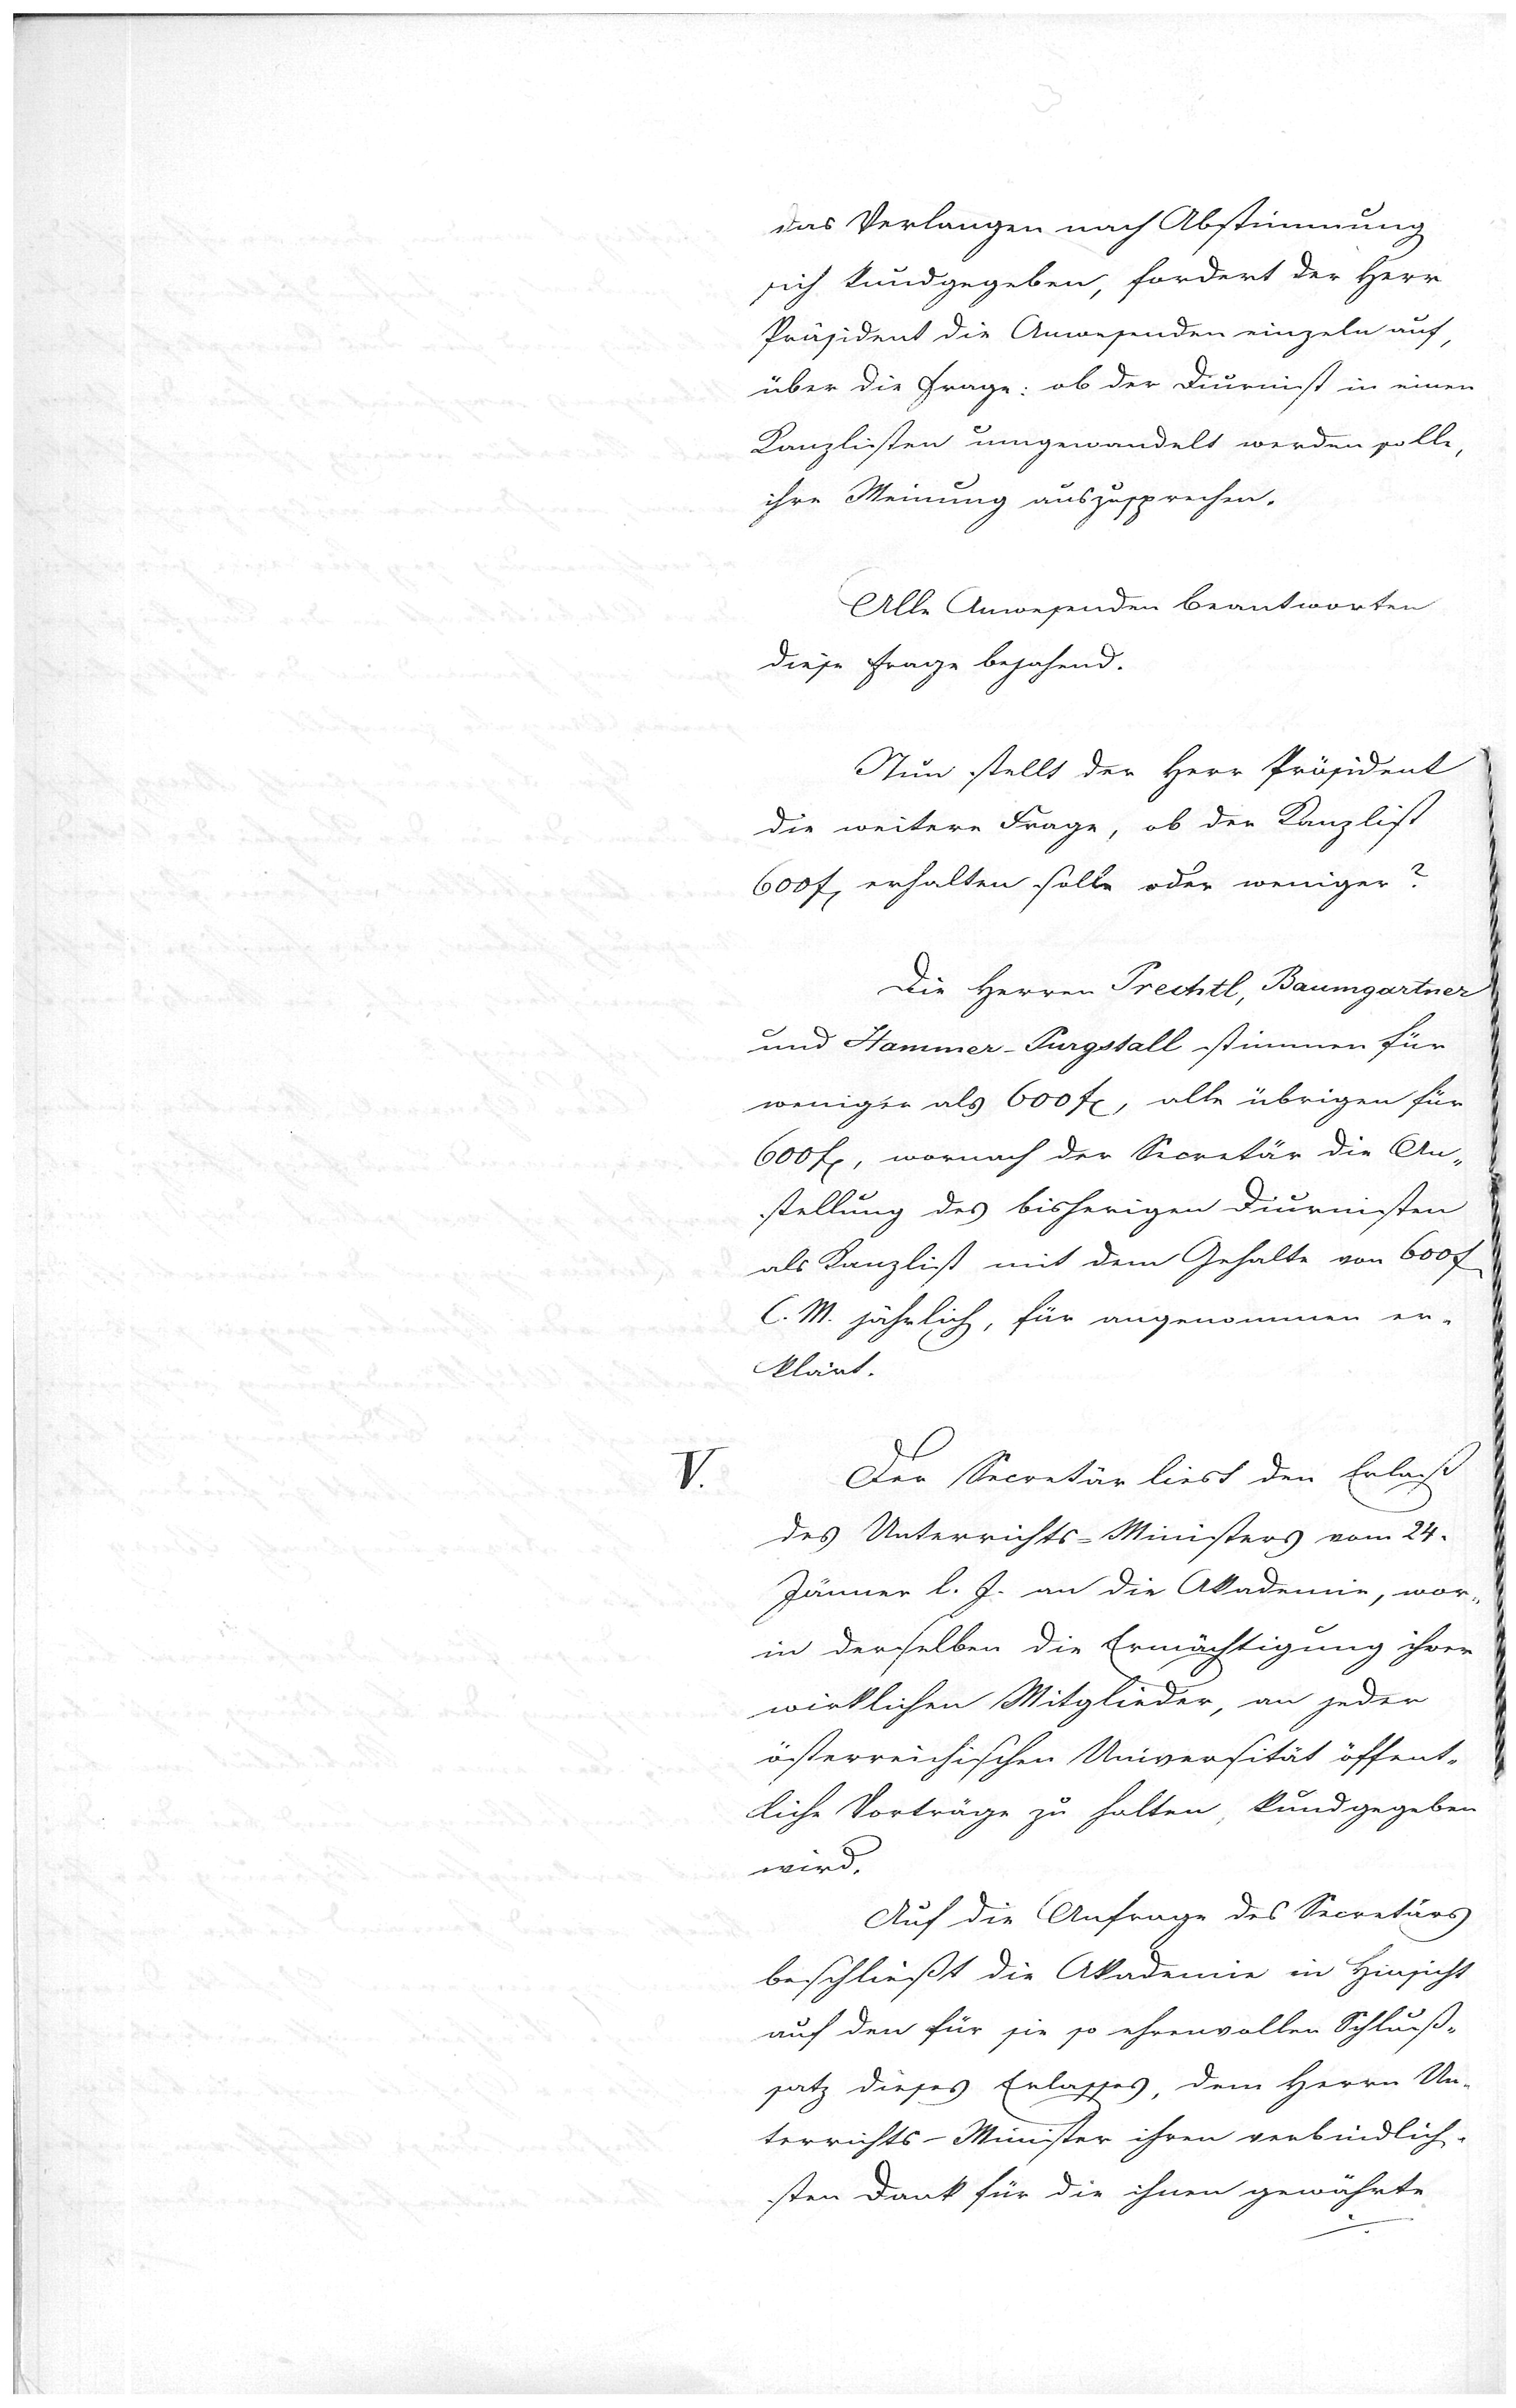das Verlangen nach Abstimmung
sich kundgegeben, fordert der Herr
Präsident die Anwesenden einzeln auf,
über die Frage: ob der Diurnist in einen
Kanzlisten umgewandelt werden solle,
ihre Meinung ausgesprochen.
Alle Anwesenden beantworten
diese Frage bejahend.
Nun stellt der Herr Präsident
die weitere Frage, ob der Kanzlist
600 fl erhalten solle oder weniger?
Die Herren Prechtl, Baumgartner
und Hammer-Purgstall stimmen für
weniger als 600 fl, alle übrigen für
600 fl, wornach der Secretär die An-
stellung des bisherigen Diurnisten
als Kanzlist mit dem Gehalte von 600 fl
C. M. jährlich, für angenommen er-
klärt.
Der Secretär liest den Erlaß
des Unterrichts-Ministers vom 24.
Jänner l. J. an die Akademie, wor
in derselben die Ermächtigung ihrer
wirklichen Mitglieder, an jeder
österreichischen Universität öffent-
liche Vorträge zu halten, kundgegeben
wird.
V.
Auf die Anfrage des Secretärs
beschließt die Akademie in Hinsicht
auf den für sie so ehrenvollen Schluß-
satz dieses Erlasses, dem Herrn Un-
terrichts-Minister ihren verbindlich-
sten den für die ihnen gewährte